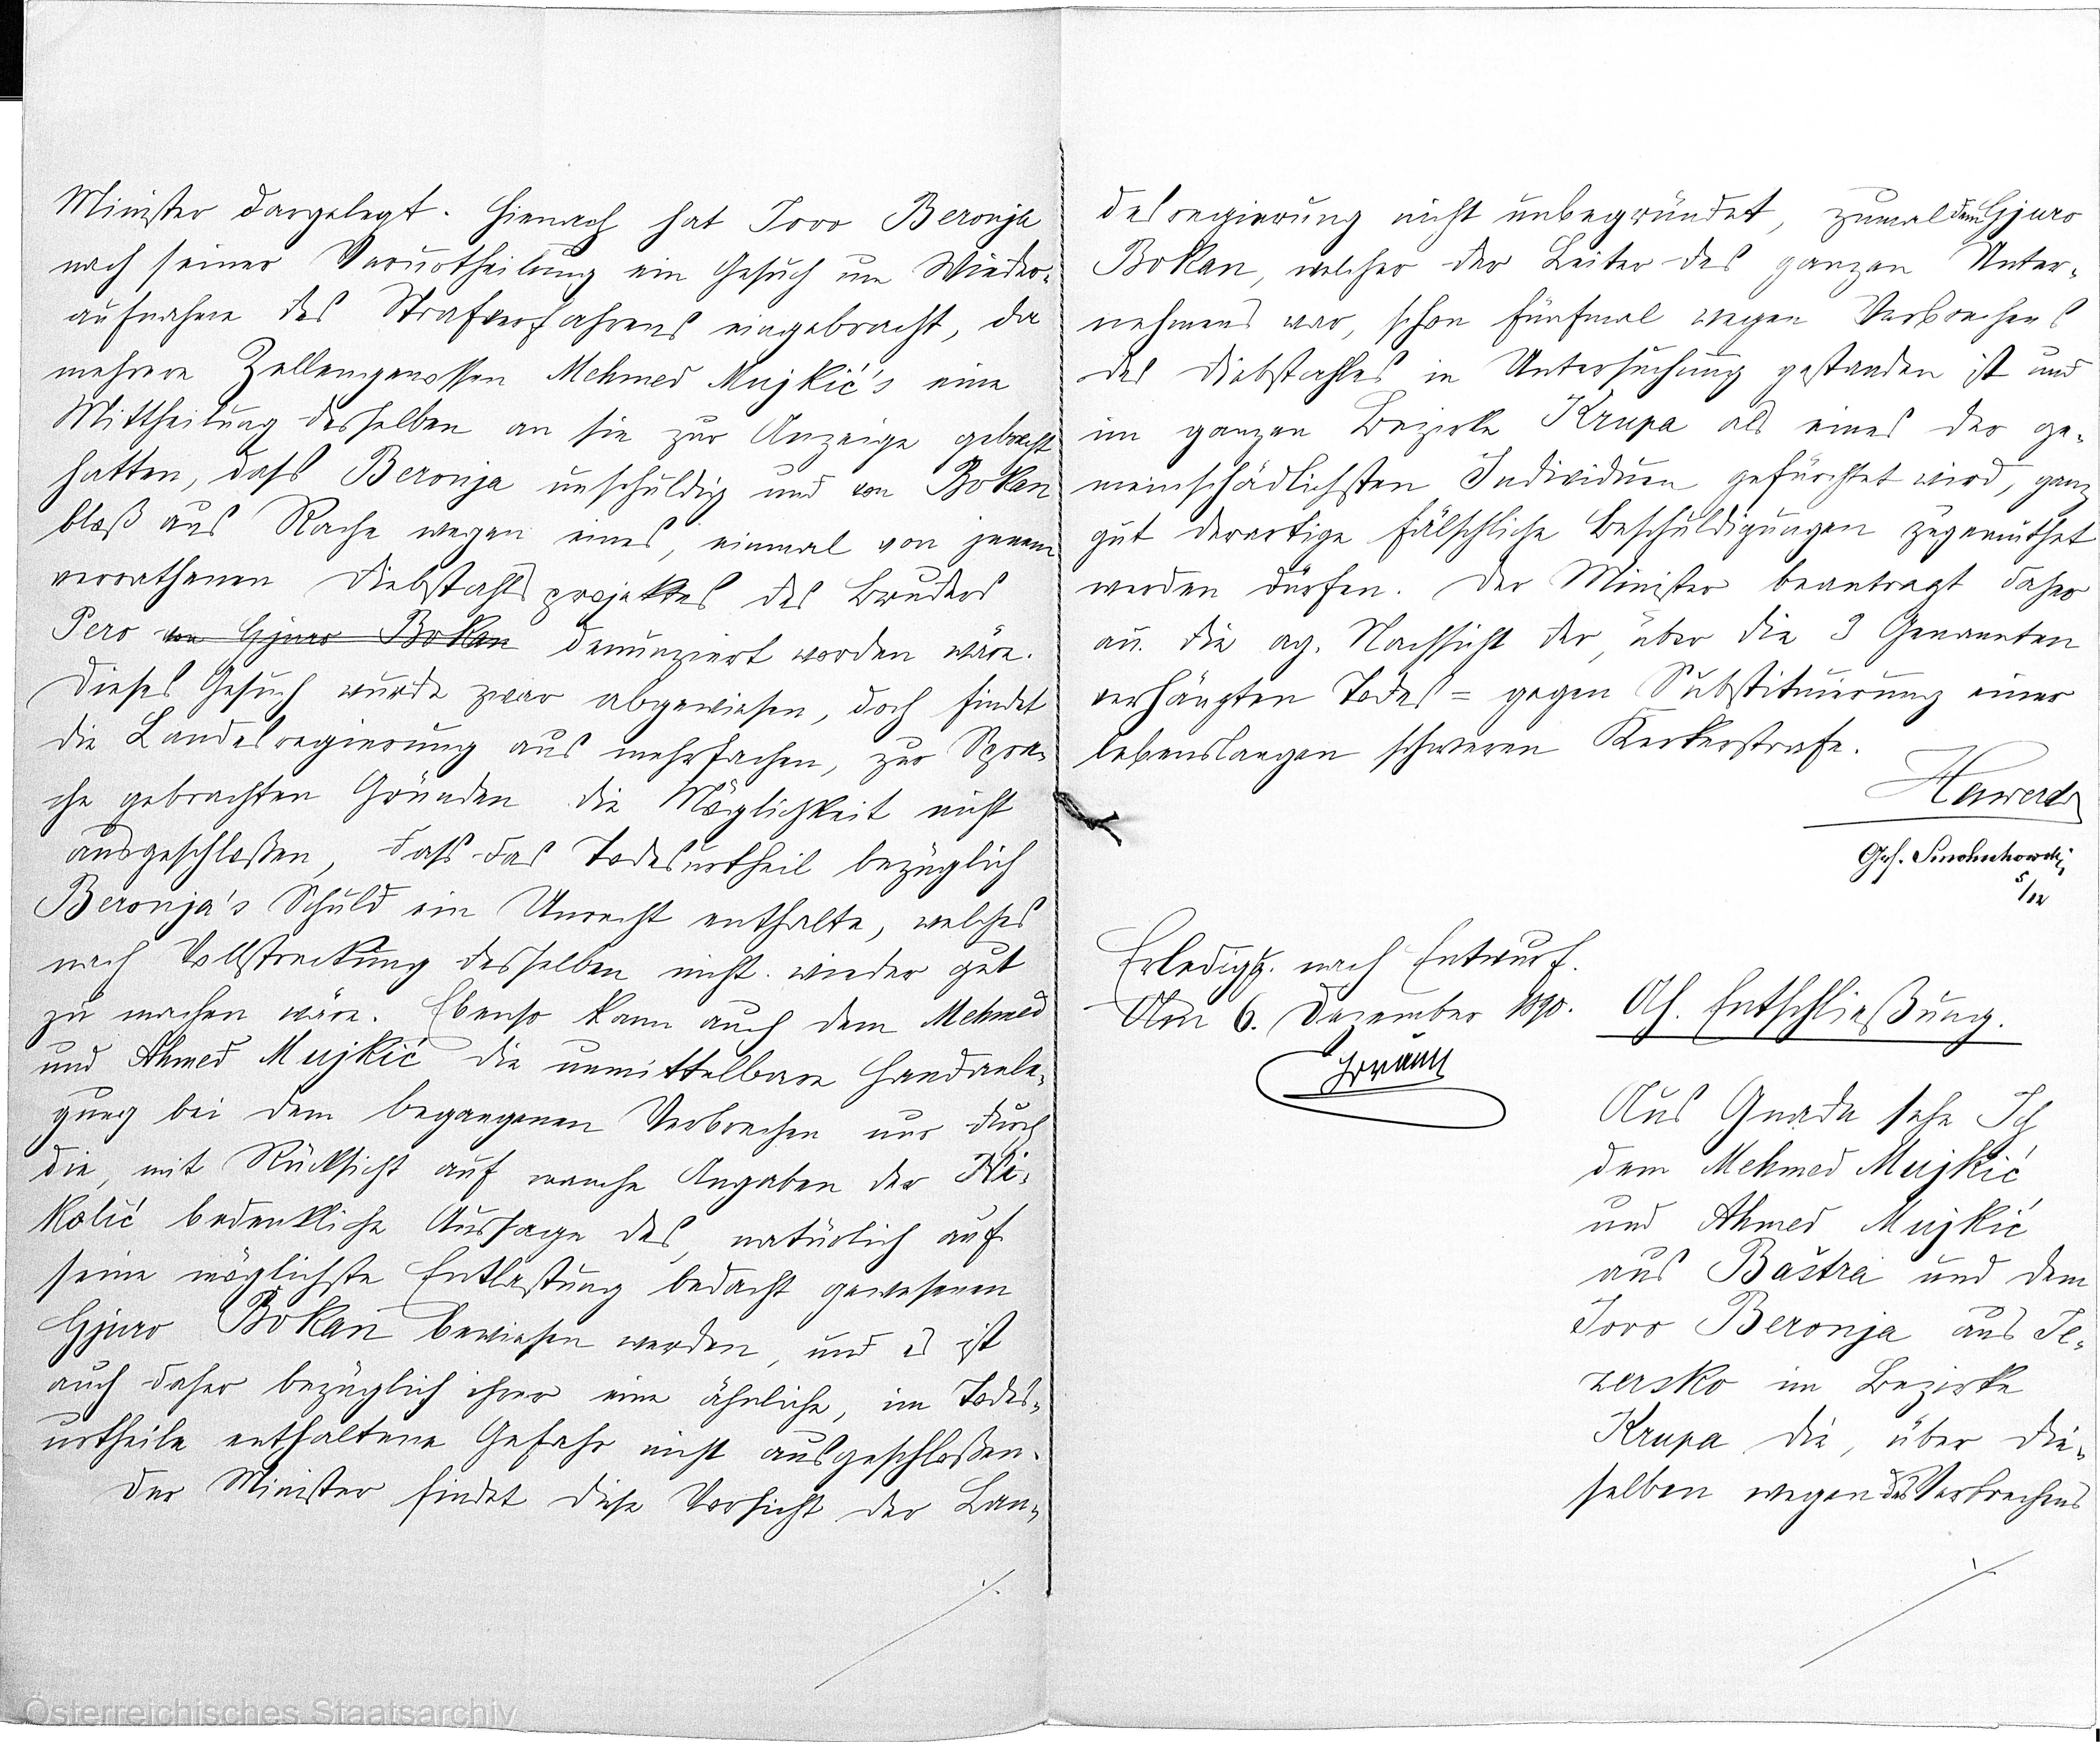Minister dargelegt. Hienach hat Jovo Beronja
nach seiner Verurtheilung ein Gesuch um Wieder¬
aufnahme des Strafverfahrens eigebracht, da
mehrere Zellengenossen Mehmed Mujkić's eine
Mittheilung desselben an sie zur Anzeige gebracht
hatten, daß Beronja unschuldig und von Bokan
bloß aus Rache wegen eines, einmal von jene
verrathenen Diebstahlsprojektes des Bruders
Pero denunziert worden wäre.
Dieses Gesuch wurde zwar abgewiesen, doch findet
die Landesregierung aus mehrfachen, zur Spre¬
che gebrachten Gründen die Möglichkeit nicht
ausgeschloßen, daß das Todesurtheil bezüglich
Beronja's Schuld ein Unrecht enthalte, welches
nach Vollstreckung desselben nicht wieder gut
zu machen wäre. Ebenso kann auch dem Mehmed
und Ahmed Mujkić die unmittelbare Handanle¬
gung bei dem begangenen Verbrechen nur durch
die, mit Rücksicht auf manche Angaben der Ni¬
kolić bedenkliche Aussage des, natürlich auf
seine möglichste Entlaßung bedacht gewesenen
Gjuro Bokan bewiesen werden, und es ist
auch daher bezüglich ihrer eine ähnliche, im Todes¬
urtheile enthaltene Gefahr nicht ausgeschloßen.
Der Minister findet diese Vorsicht der Lan¬
des regierung nicht unbegründet, zumal dem Gjuro
Bokan, welcher der Leiter des ganzen Unter¬
nehmens war, schon fünfmal wegen Verbrechens
des Diebstahles in Untersuchung gestanden ist und
im ganzen Bezirke Krupa als eines der ge¬
meinschädlichsten Individum gefürchtet wird, ganz
gut derartige fälschliche Beschuldigungen zugemuthet
werden dürfen. Der Minister beantragt daher
au. Die ag. Nachsicht der, über die 3 Genannten
verhängten Todes= gegen Substituirung einer
lebenslangen schweren Kerkerstrafe.
Hawerd
Ges. Smolnchowcki
5/12
Erledigg. nach Entwurf.
Am 6. Dezember 1890.
Braun
Ah. Entschließung.
Aus Gnade sehe Ich
dem Mehmed Mujkić
und Ahmer Mujkić
aus Baštra und dem
Jovo Beronja aus Je¬
zersko im Bezirke
Krupa die, über die¬
selben wegen des Verbrechens